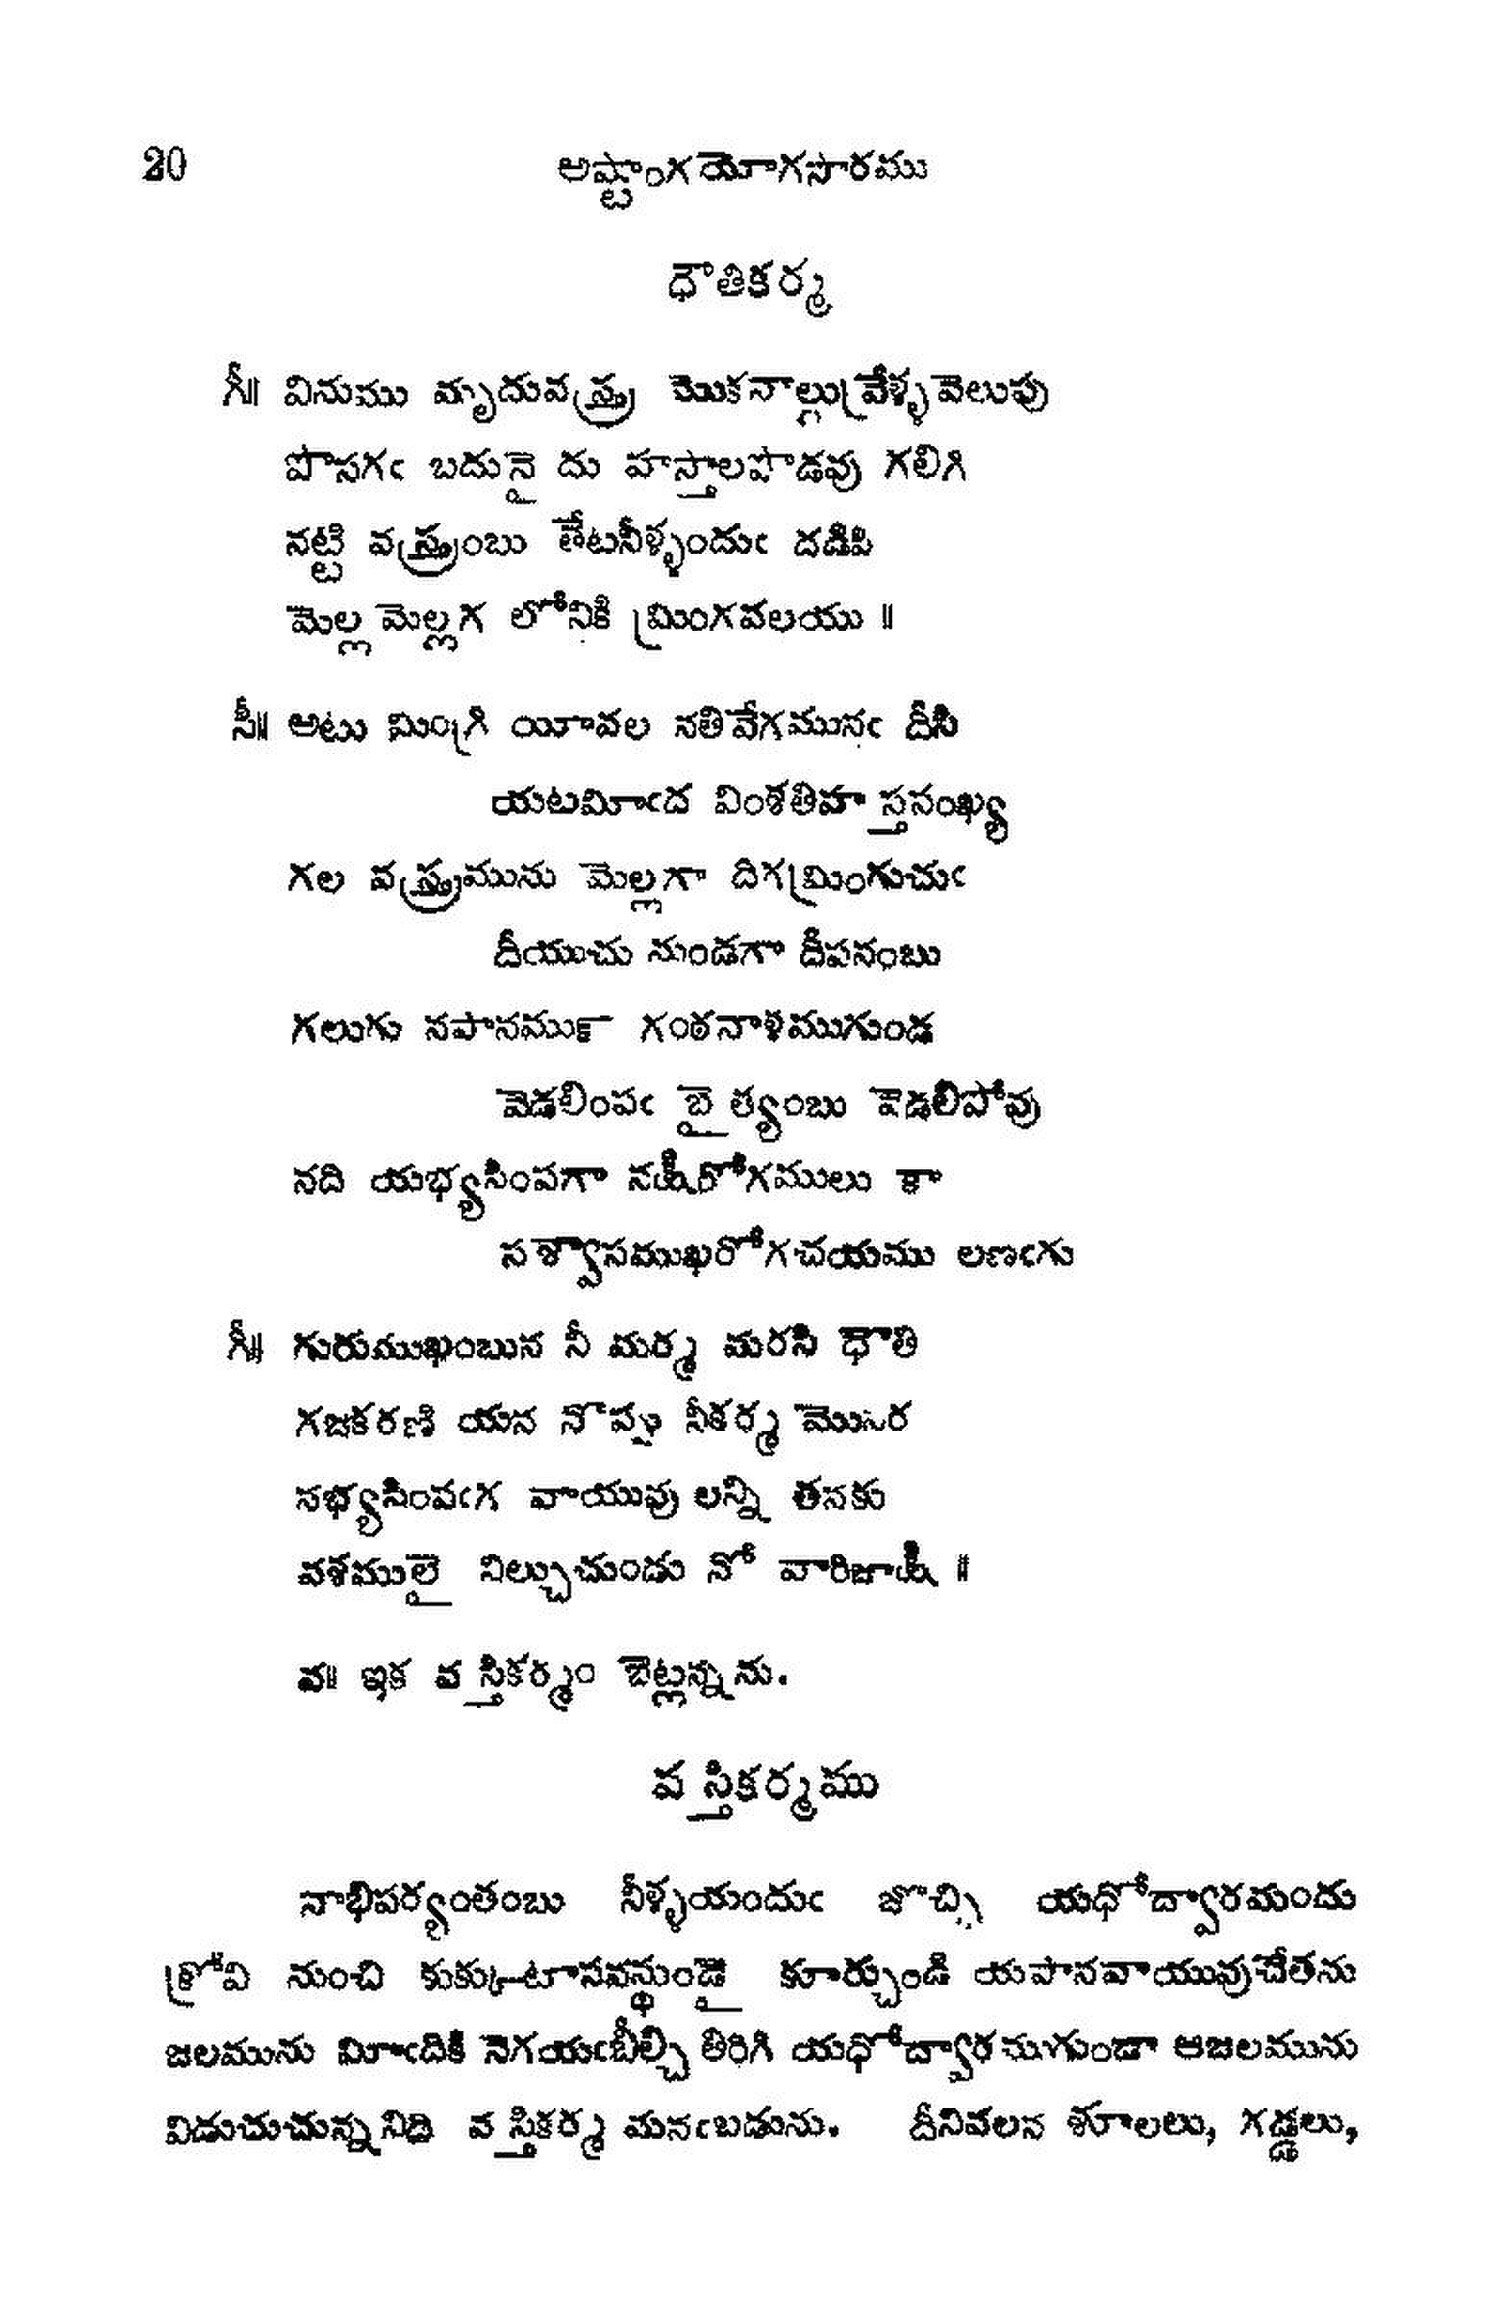గీ. వినుము మృదువస్త్ర మొకనాల్గువ్రేళ్ళవెలుపు
 పొసగఁ బదునైదు హస్తాలపొడవు గలిగి
 నట్టి వస్త్రంబు తేటనీళ్ళందుఁ దడిపి
 మెల్లమెల్లగ లోనికి మ్రింగవలయు.
సీ. అటు మింగ్రి యీవల నతివేగమునఁ దీసి
 యటమీఁద వింశతిహస్తసంఖ్య
 గల వస్త్రమును మెల్లగా దిగమ్రింగుచుఁ
 దీయుచు నుండగా దీపనంబు
 గలుగు నపానము గంఠనాళముగుండ
 వెడలింపఁ బైత్యంబు వెడలిపోవు
 నది యభ్యసింపగా నక్షిరోగములు కా
 నశ్వాసముఖరోగచయము లణఁగు
గీ. గురుముఖంబున నీ మర్మ మరసి ధౌతి
 గజకరణి యన నొప్పు నీకర్మ మొనర
 నభ్యసింపఁగ వాయువు లన్ని తనకు
 వశములై నిల్చుచుండు నో వారిజాక్షి.
వ. ఇక వస్తికర్మం బెట్లన్నను.

నాభిపర్యంతంబు నీళ్ళయందుఁ జొచ్చి యధోద్వారమందు క్రోవి నుంచి కుక్కుటాసనస్థుండై కూర్చుండి యపానవాయువుచేతను జలమును మీదికి నెగయఁబీల్చి తిరిగి యధోద్వారముగుండా ఆజలమును
విడుచుచున్న నిది వస్తికర్మ మనఁబడును. దీనివలన శూలలు, గడ్డలు,